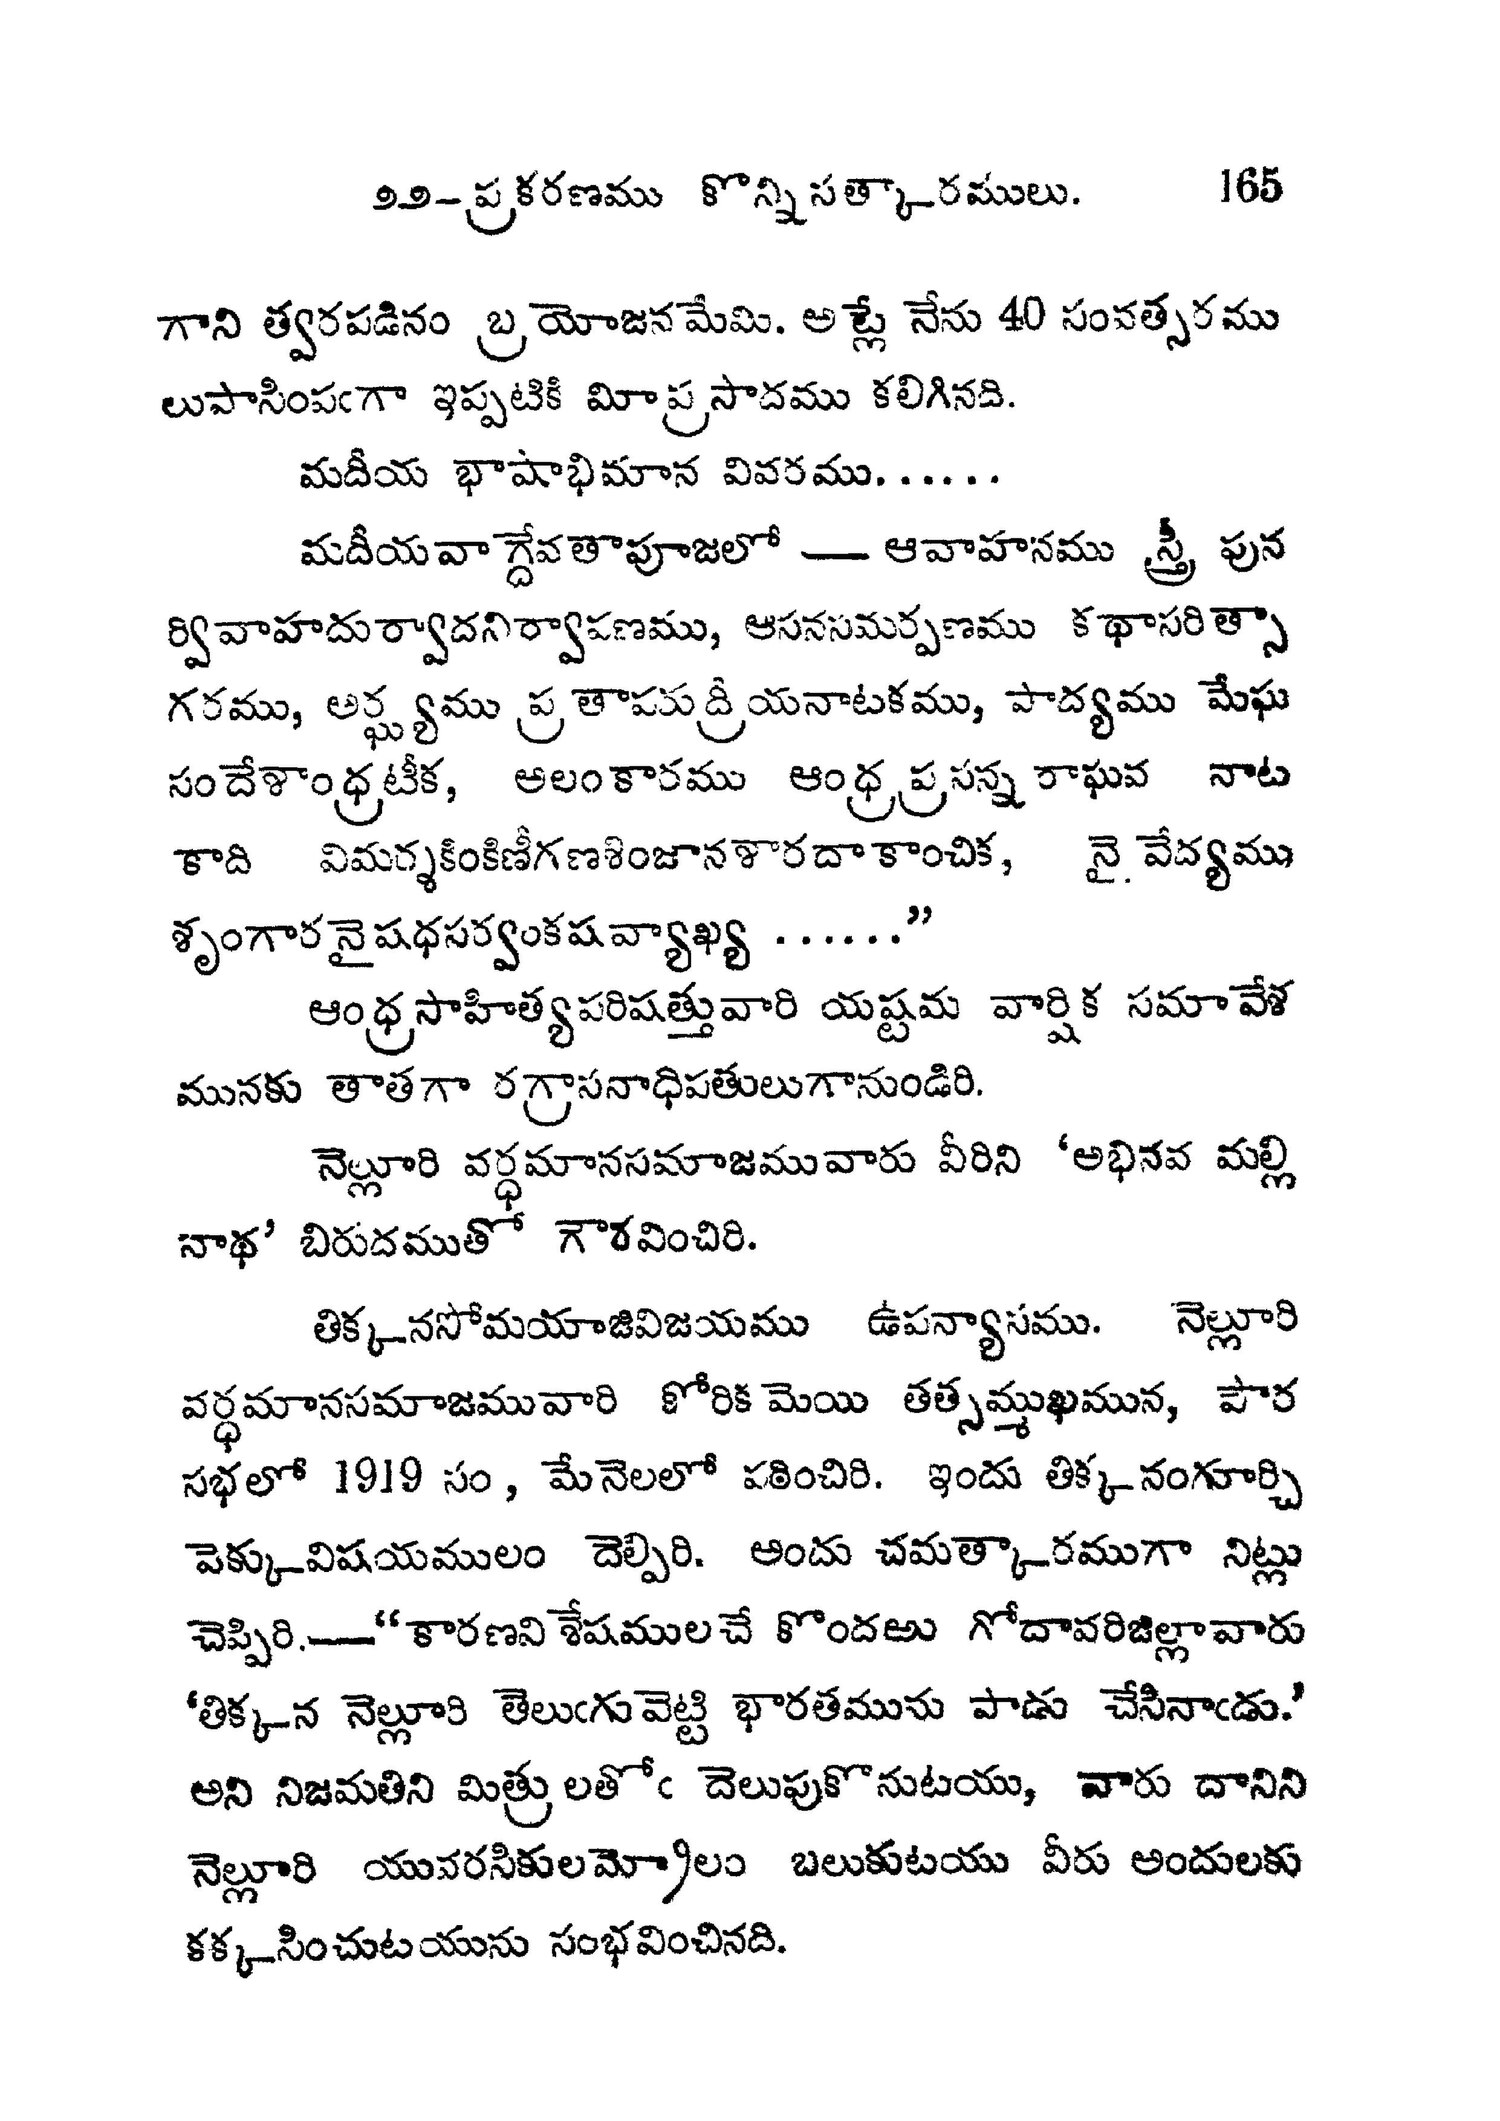గాని త్వరపడినం బ్రయోజనమేమి. అట్లే నేను 40 సంవత్సరము లుపాసింపగా ఇప్పటికి మీప్రసాదము కలిగినది.

మదీయ భాషాభిమాన వివరము........

మదీయవాగ్దేవతాపూజలో - ఆవాహనము స్త్రీ పునర్వివాహదుర్వాదనిర్వాపణము, ఆసనసమర్పణము కథాసరిత్సాగరము, అర్ఘ్యము ప్రతాపరుద్రీయనాటకము, పాద్యము మేఘసందేశాంధ్రటీక, అలంకారము ఆంధ్రప్రసన్న రాఘవ నాటకాది విమర్శకింకిణీగణశింజానశారదాకాంచిక, నై వేద్యము శృంగారనైషధసర్వంకషవ్యాఖ్య........"

ఆంధ్రసాహిత్యపరిషత్తువారి యష్టమ వార్షిక సమావేశమునకు తాతగా రగ్రాసనాధిపతులుగానుండిరి.

నెల్లూరి వర్ధమానసమాజమువారు వీరిని 'అభినవ మల్లినాథ' బిరుదముతో గౌరవించిరి.

తిక్కనసోమయాజివిజయము ఉపన్యాసము. నెల్లూరి వర్ధమానసమాజమువారి కోరికమెయి తత్సమ్ముఖమున, పౌరసభలో 1919 సం, మేనెలలో పఠించిరి. ఇందు తిక్కనంగూర్చి పెక్కువిషయములం దెల్పిరి. అందు చమత్కారముగా నిట్లు చెప్పిరి. - "కారణవిశేషములచే కొందఱు గోదావరిజిల్లావారు 'తిక్కన నెల్లూరి తెలుగువెట్టి భారతమును పాడు చేసినాడు.' అని నిజమతిని మిత్రులతో దెలుపుకొనుటయు, వారు దానిని నెల్లూరి యువరసికులమ్రోలం బలుకటయు వీరు అందులకు కక్కసించుటయును సంభవించినది.